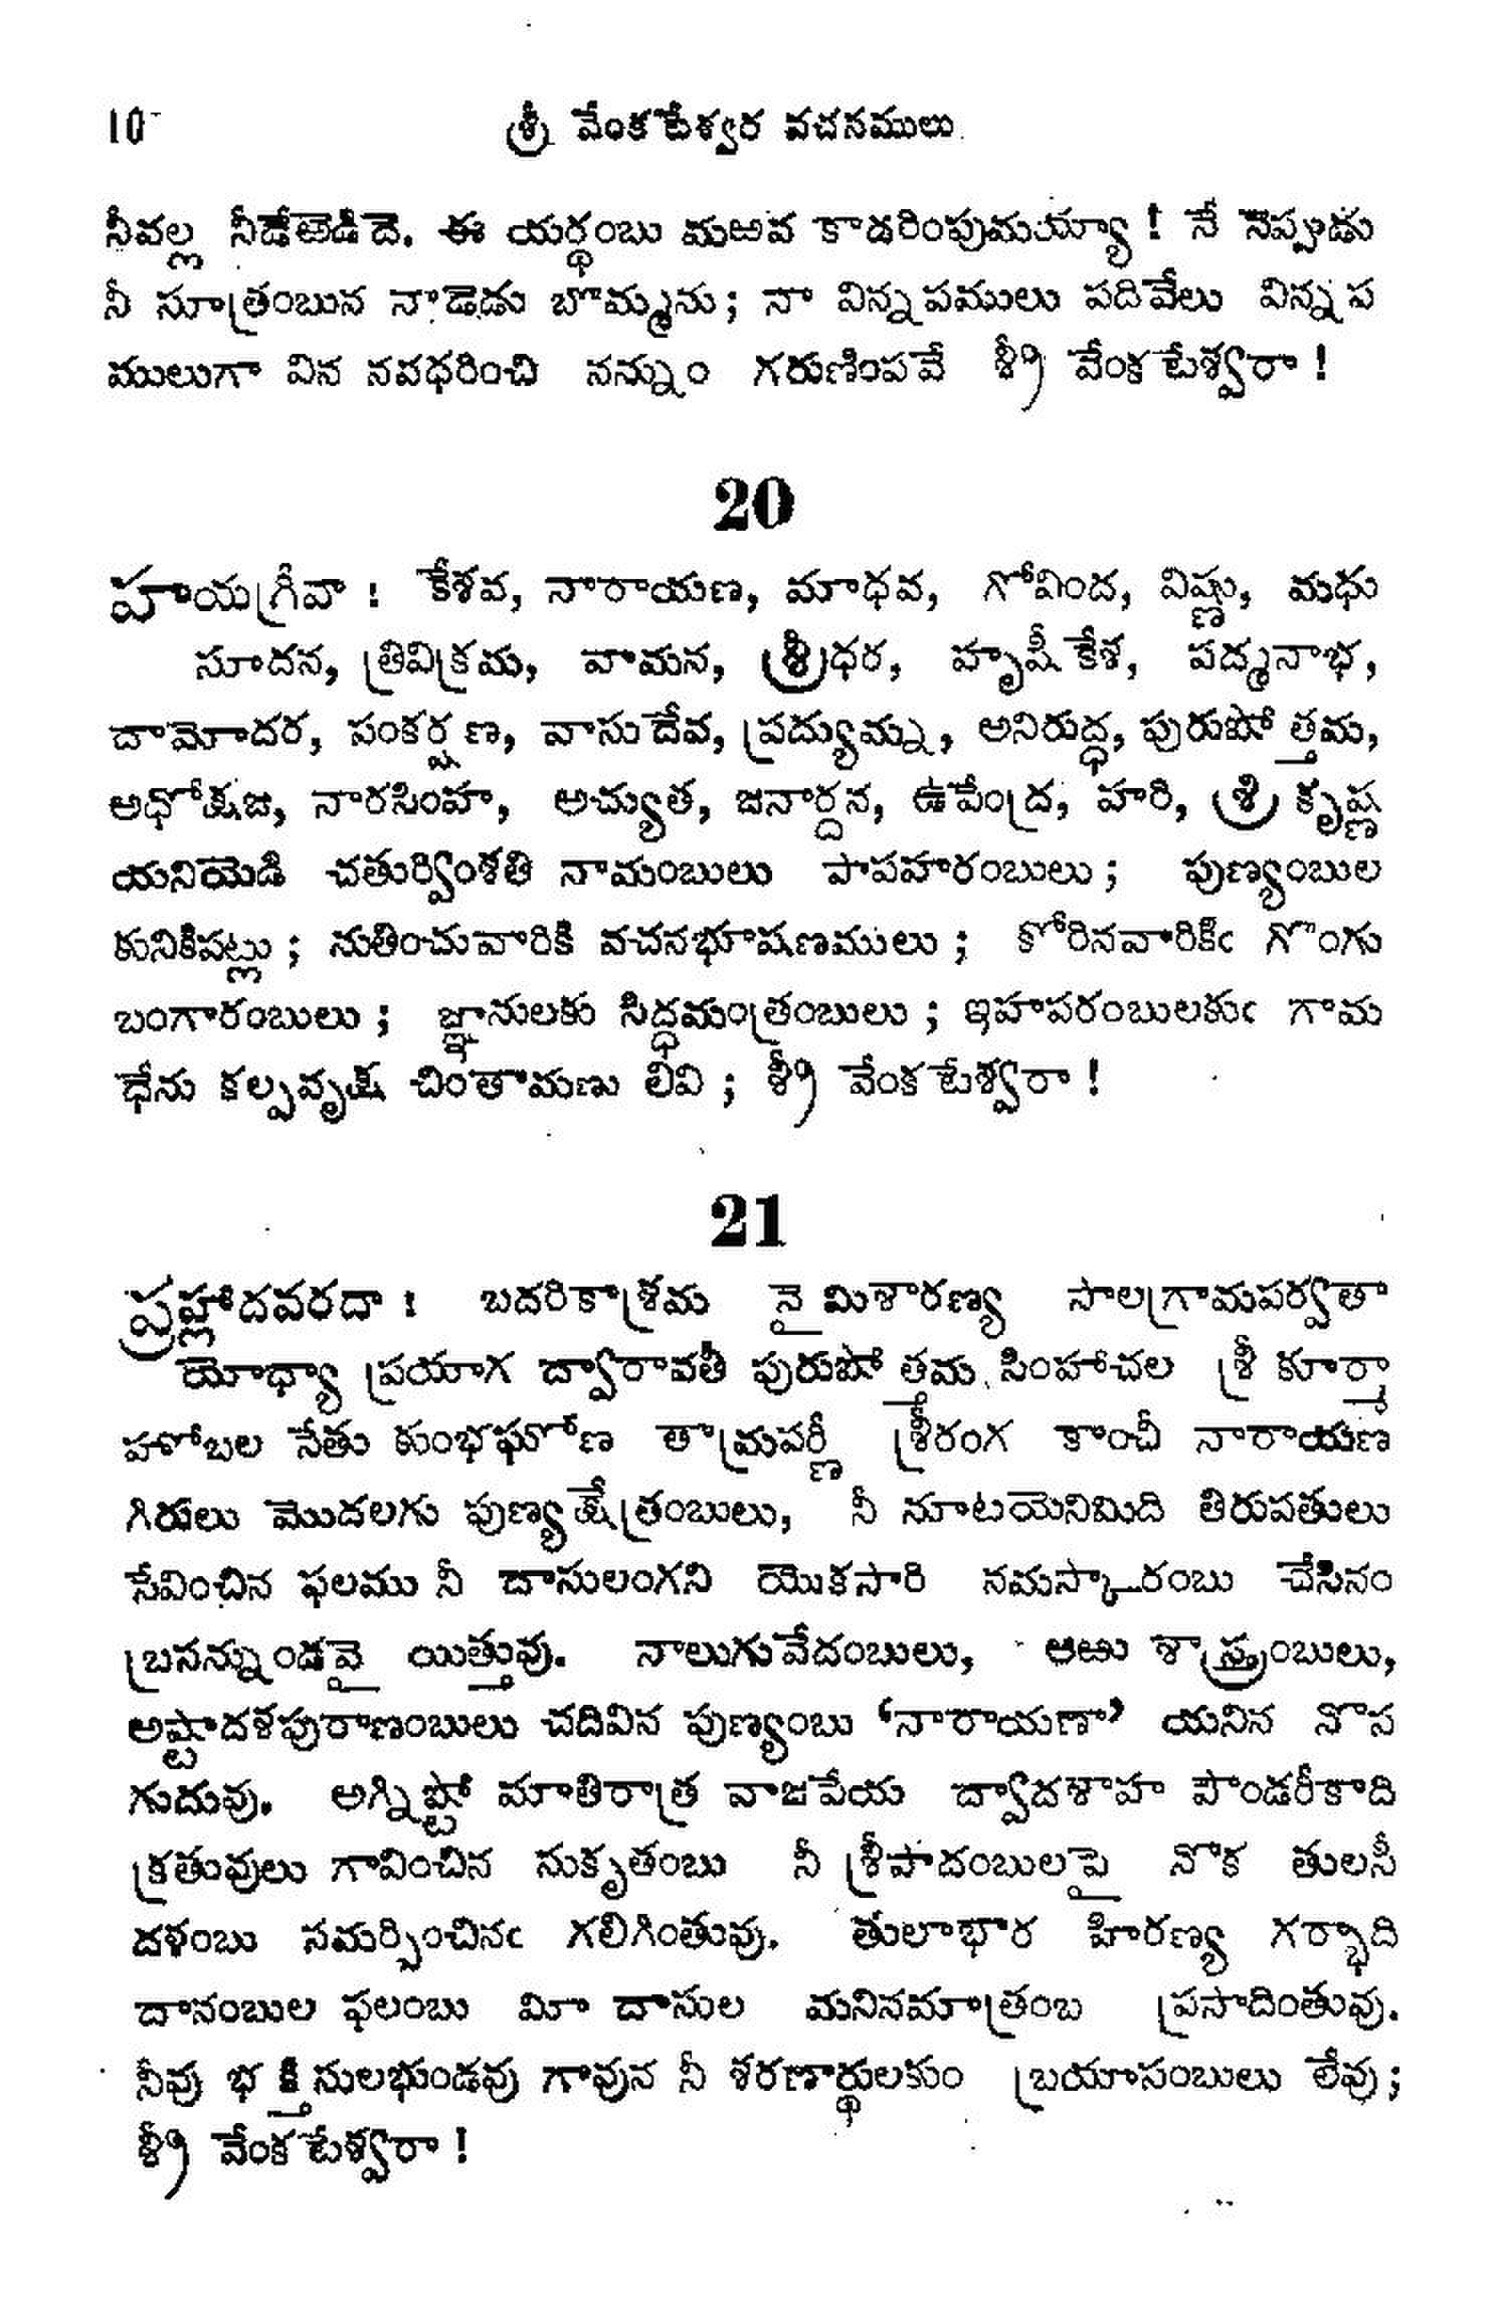నీవల్ల నీడేఱెడిదె. ఈ యర్థంబు మఱవ కాదరింపుమయ్యా! నే నెప్పుడు నీ సూత్రంబున నాడెడు బొమ్మను; నా విన్నపములు పదివేలు విన్నపములుగా విన నవధరించి నన్నుం గరుణింపవే శీృ వేంకటేశ్వరా!

20 

! కేశవ, నారాయణ, మాధవ, గోవింద, విష్ణు, మధుసూదన, త్రివిక్రమ, వామన, శ్రీధర, హృషీకేశ, పద్మనాభ, దామోదర, సంకర్షణ, వాసుదేవ, ప్రద్యుమ్న, అనిరుద్ధ, పురుషోత్తమ, అధోక్షజ, నారసింహ, అచ్యుత, జనార్దన, ఉపేంద్ర, హరి, శ్రికృష్ణ యనియెడి చతుర్వింశతి నామంబులు పాపహరంబులు; పుణ్యంబుల కునికిపట్లు; నుతించువారికి వచనభూషణములు; కోరినవారికిఁ గొంగు బంగారంబులు; జ్ఞానులకు సిద్ధమంత్రంబులు; ఇహపరంబులకుఁ గామధేను కల్పవృక్ష చింతామణు లివి; శీృ వేంకటేశ్వరా!

21 

! బదరికాశ్రమ నైమిశారణ్య సాలగ్రామపర్వతాయోధ్యా ప్రయాగ ద్వారావతీ పురుషోత్తమ సింహాచల శ్రీ కూర్మాహోబల సేతు కుంభఘోణ తామ్రపర్ణీ శ్రీరంగ కాంచీ నారాయణగిరులు మొదలగు పుణ్యక్షేత్రంబులు, నీ నూటయెనిమిది తిరుపతులు సేవించిన ఫలము నీ దాసులంగని యొకసారి నమస్కారంబు చేసినం బ్రసన్నుండవై యిత్తువు. నాలుగువేదంబులు, ఆఱు శాస్త్రంబులు, అష్టాదశపురాణంబులు చదివిన పుణ్యంబు 'నారాయణా' యనిన నొసగుదువు. అగ్నిష్టో మాతిరాత్ర వాజపేయ ద్వాదశాహ పౌండరీకాది క్రతువులు గావించిన సుకృతంబు నీ శ్రీపాదంబులపై నొక తులసీదళంబు సమర్పించినఁ గలిగింతువు. తులాభార హిరణ్య గర్భాది దానంబుల ఫలంబు మీ దాసుల మనినమాత్రంబ ప్రసాదింతువు. నీవు భక్తిసులభుండవు గావున నీ శరణార్థులకుం బ్రయాసంబులు లేవు; శీృ వేంకటేశ్వరా!